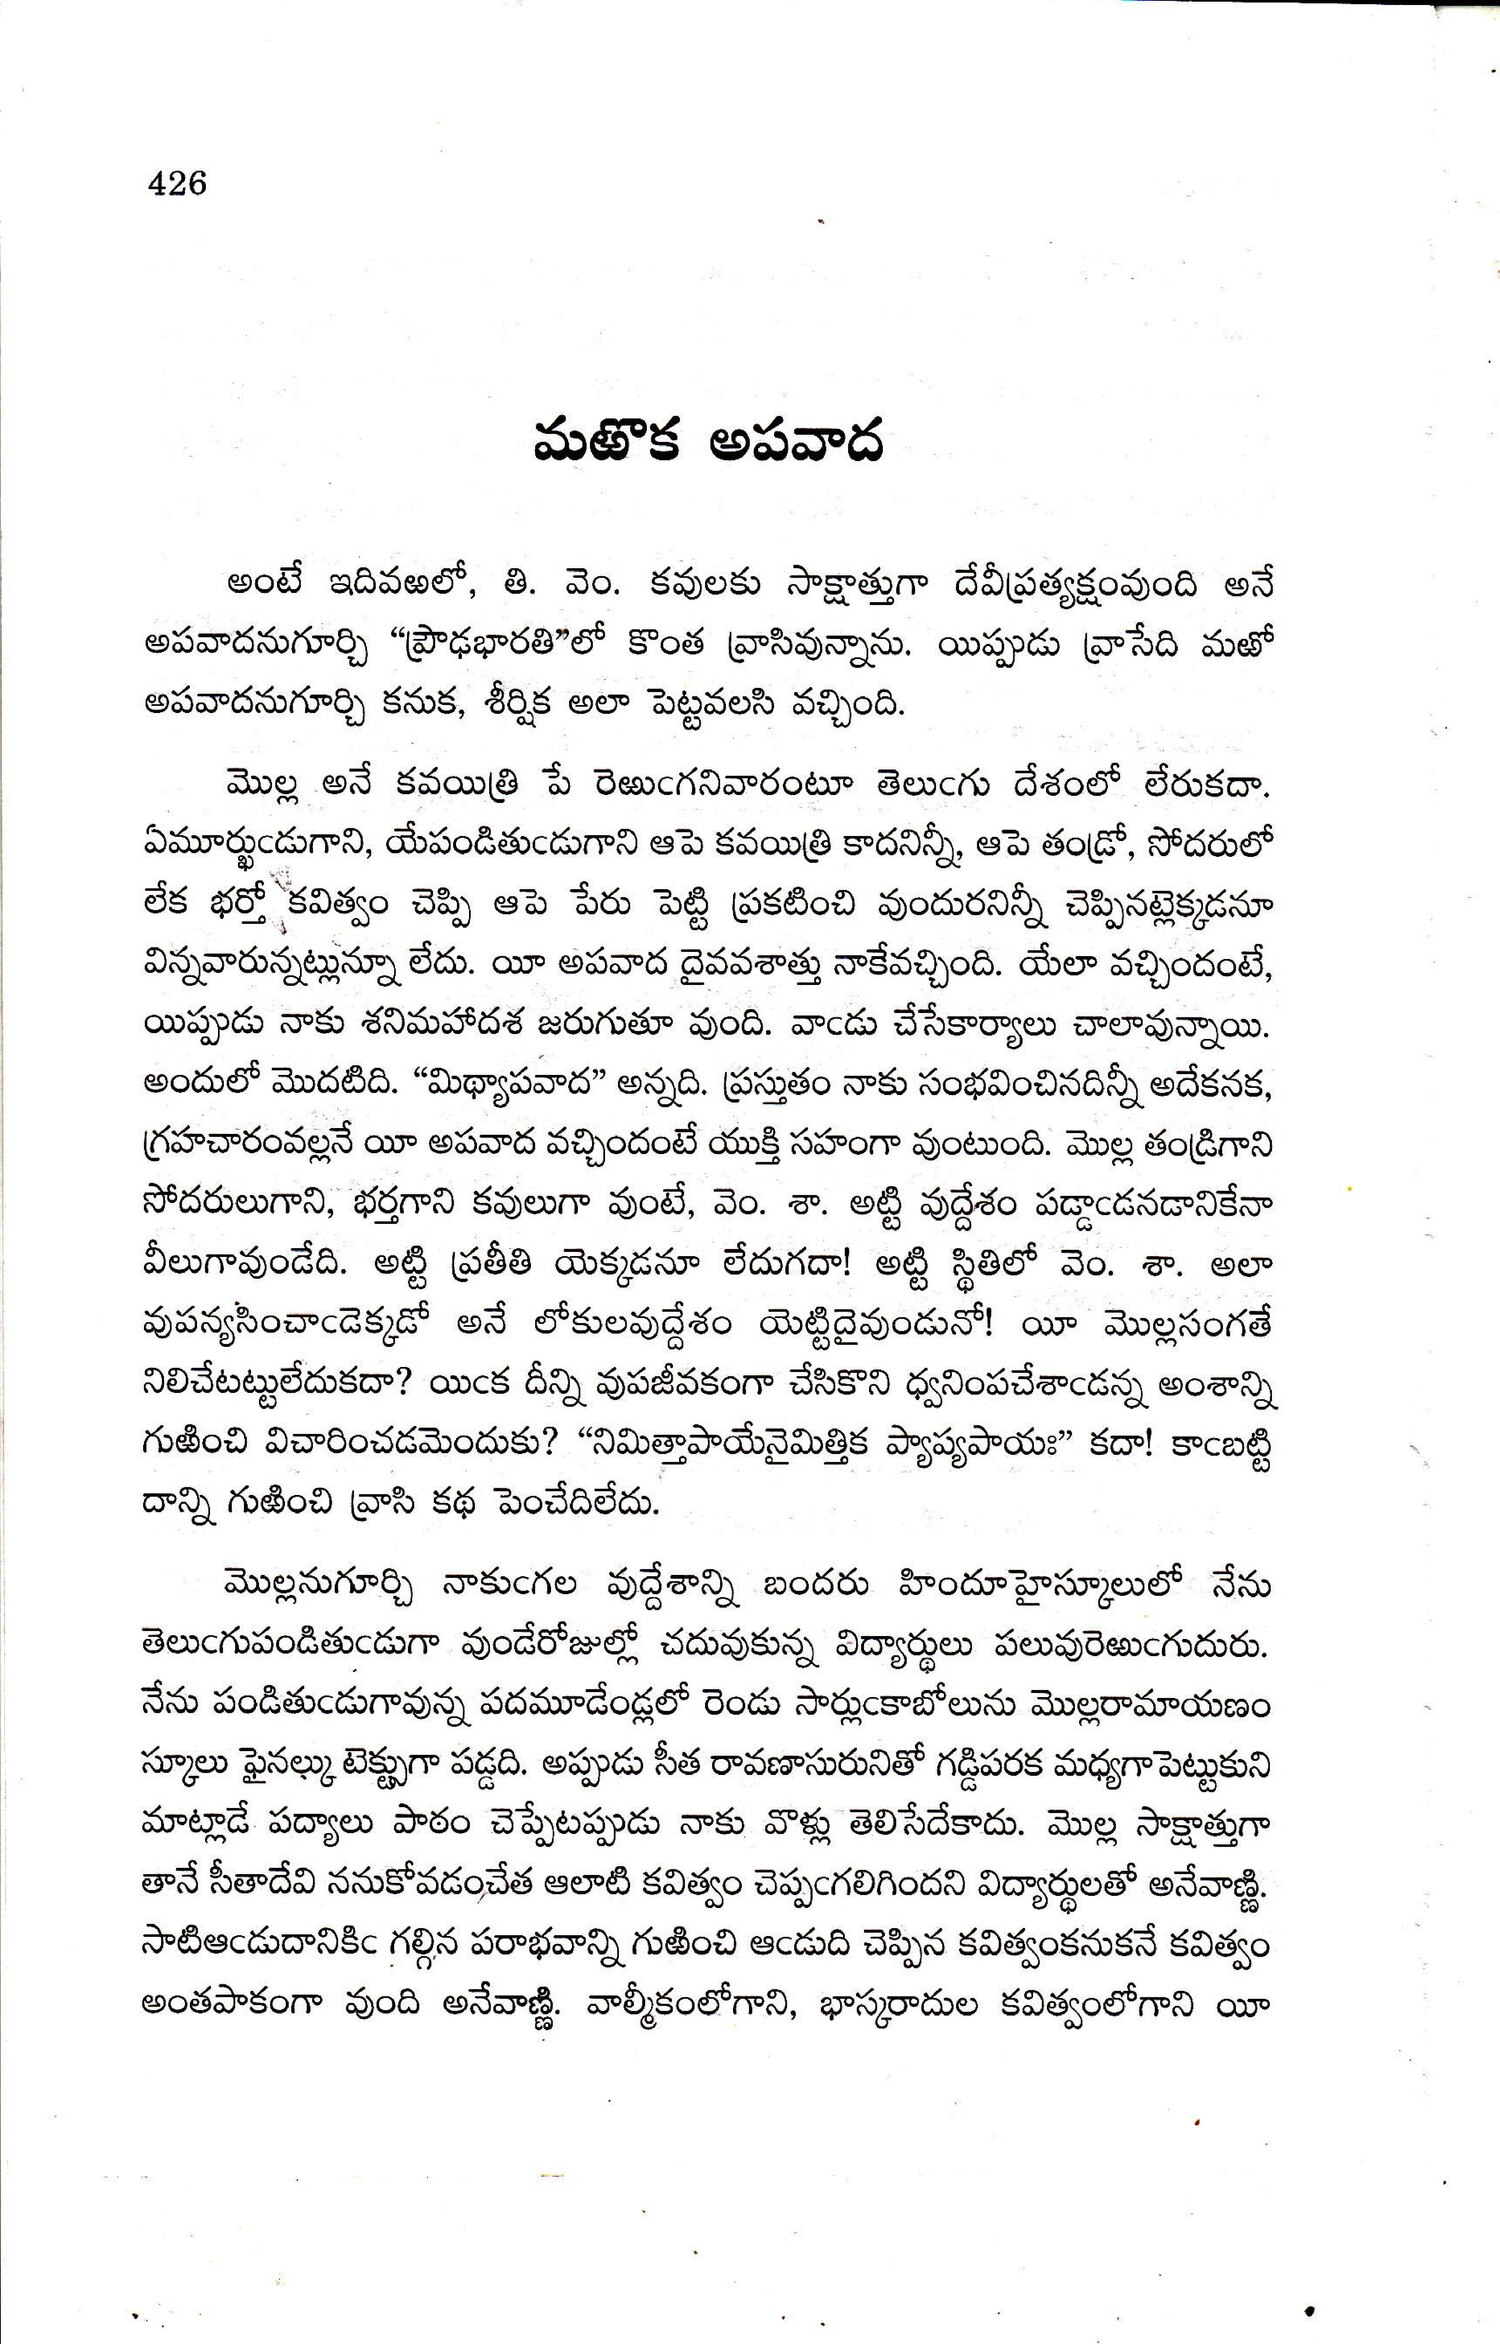మఱొక అపవాద

అంటే ఇదివఱలో, తి. వెం. కవులకు సాక్షాత్తుగా దేవీప్రత్యక్షంవుంది అనే అపవాదనుగూర్చి “ప్రౌఢభారతి"లో కొంత వ్రాసివున్నాను. యిప్పుడు వ్రాసేది మఱో అపవాదనుగూర్చి కనుక, శీర్షిక అలా పెట్టవలసి వచ్చింది.

మొల్ల అనే కవయిత్రి పే రెఱుఁగనివారంటూ తెలుఁగు దేశంలో లేరుకదా. ఏమూర్ఖఁడుగాని, యేపండితుఁడుగాని ఆపె కవయిత్రి కాదనిన్నీ ఆపె తండ్రో, సోదరులో లేక భర్తో కవిత్వం చెప్పి ఆపె పేరు పెట్టి ప్రకటించి వుందురనిన్నీ చెప్పినట్లెక్కడనూ విన్నవారున్నట్లున్నూ లేదు. యీ అపవాద దైవవశాత్తు నాకేవచ్చింది. యేలా వచ్చిందంటే, యిప్పుడు నాకు శనిమహాదశ జరుగుతూ వుంది. వాఁడు చేసేకార్యాలు చాలావున్నాయి. అందులో మొదటిది. “మిథ్యాపవాద” అన్నది. ప్రస్తుతం నాకు సంభవించినదిన్నీ అదేకనక, గ్రహచారంవల్లనే యీ అపవాద వచ్చిందంటే యుక్తి సహంగా వుంటుంది. మొల్ల తండ్రిగాని సోదరులుగాని, భర్తగాని కవులుగా వుంటే, వెం. శా. అట్టి వుద్దేశం పడ్డాఁడనడానికేనా వీలుగావుండేది. అట్టి ప్రతీతి యొక్కడనూ లేదుగదా! అట్టి స్థితిలో వెం. శా. అలా వుపన్యసించాఁడెక్కడో అనే లోకులవుద్దేశం యెట్టిదైవుండునో! యీ మొల్లసంగతే నిలిచేటట్టులేదుకదా? యిఁక దీన్ని వుపజీవకంగా చేసికొని ధ్వనింపచేశాఁడన్న అంశాన్ని గుఱించి విచారించడమెందుకు? “నిమిత్తాపాయేనైమిత్తిక ప్యాప్యపాయః" కదా! కాఁబట్టి దాన్ని గుఱించి వ్రాసి కథ పెంచేదిలేదు.

మొల్లనుగూర్చి నాకుఁగల వుద్దేశాన్ని బందరు హిందూ హైస్కూలులో నేను తెలుఁగుపండితుఁడుగా వుండేరోజుల్లో చదువుకున్న విద్యార్థులు పలువురెఱుఁగుదురు. నేను పండితుఁడుగావున్న పదమూడేండ్లలో రెండు సార్లుఁకాబోలును మొల్లరామాయణం స్కూలు ఫైనల్కుటెక్ట్సుగా పడ్డది. అప్పుడు సీత రావణాసురునితో గడ్డిపరక మధ్యగాపెట్టుకుని మాట్లాడే పద్యాలు పాఠం చెప్పేటప్పుడు నాకు వొళ్లు తెలిసేదేకాదు. మొల్ల సాక్షాత్తుగా తానే సీతాదేవి ననుకోవడంచేత ఆలాటి కవిత్వం చెప్పఁగలిగిందని విద్యార్థులతో అనేవాణ్ణి. సాటిఆఁడుదానికిఁ గల్గిన పరాభవాన్ని గుఱించి ఆండుది చెప్పిన కవిత్వంకనుకనే కవిత్వం అంతపాకంగా వుంది అనేవాణ్ణి. వాల్మీకంలోగాని, భాస్కరాదుల కవిత్వంలోగాని యీ